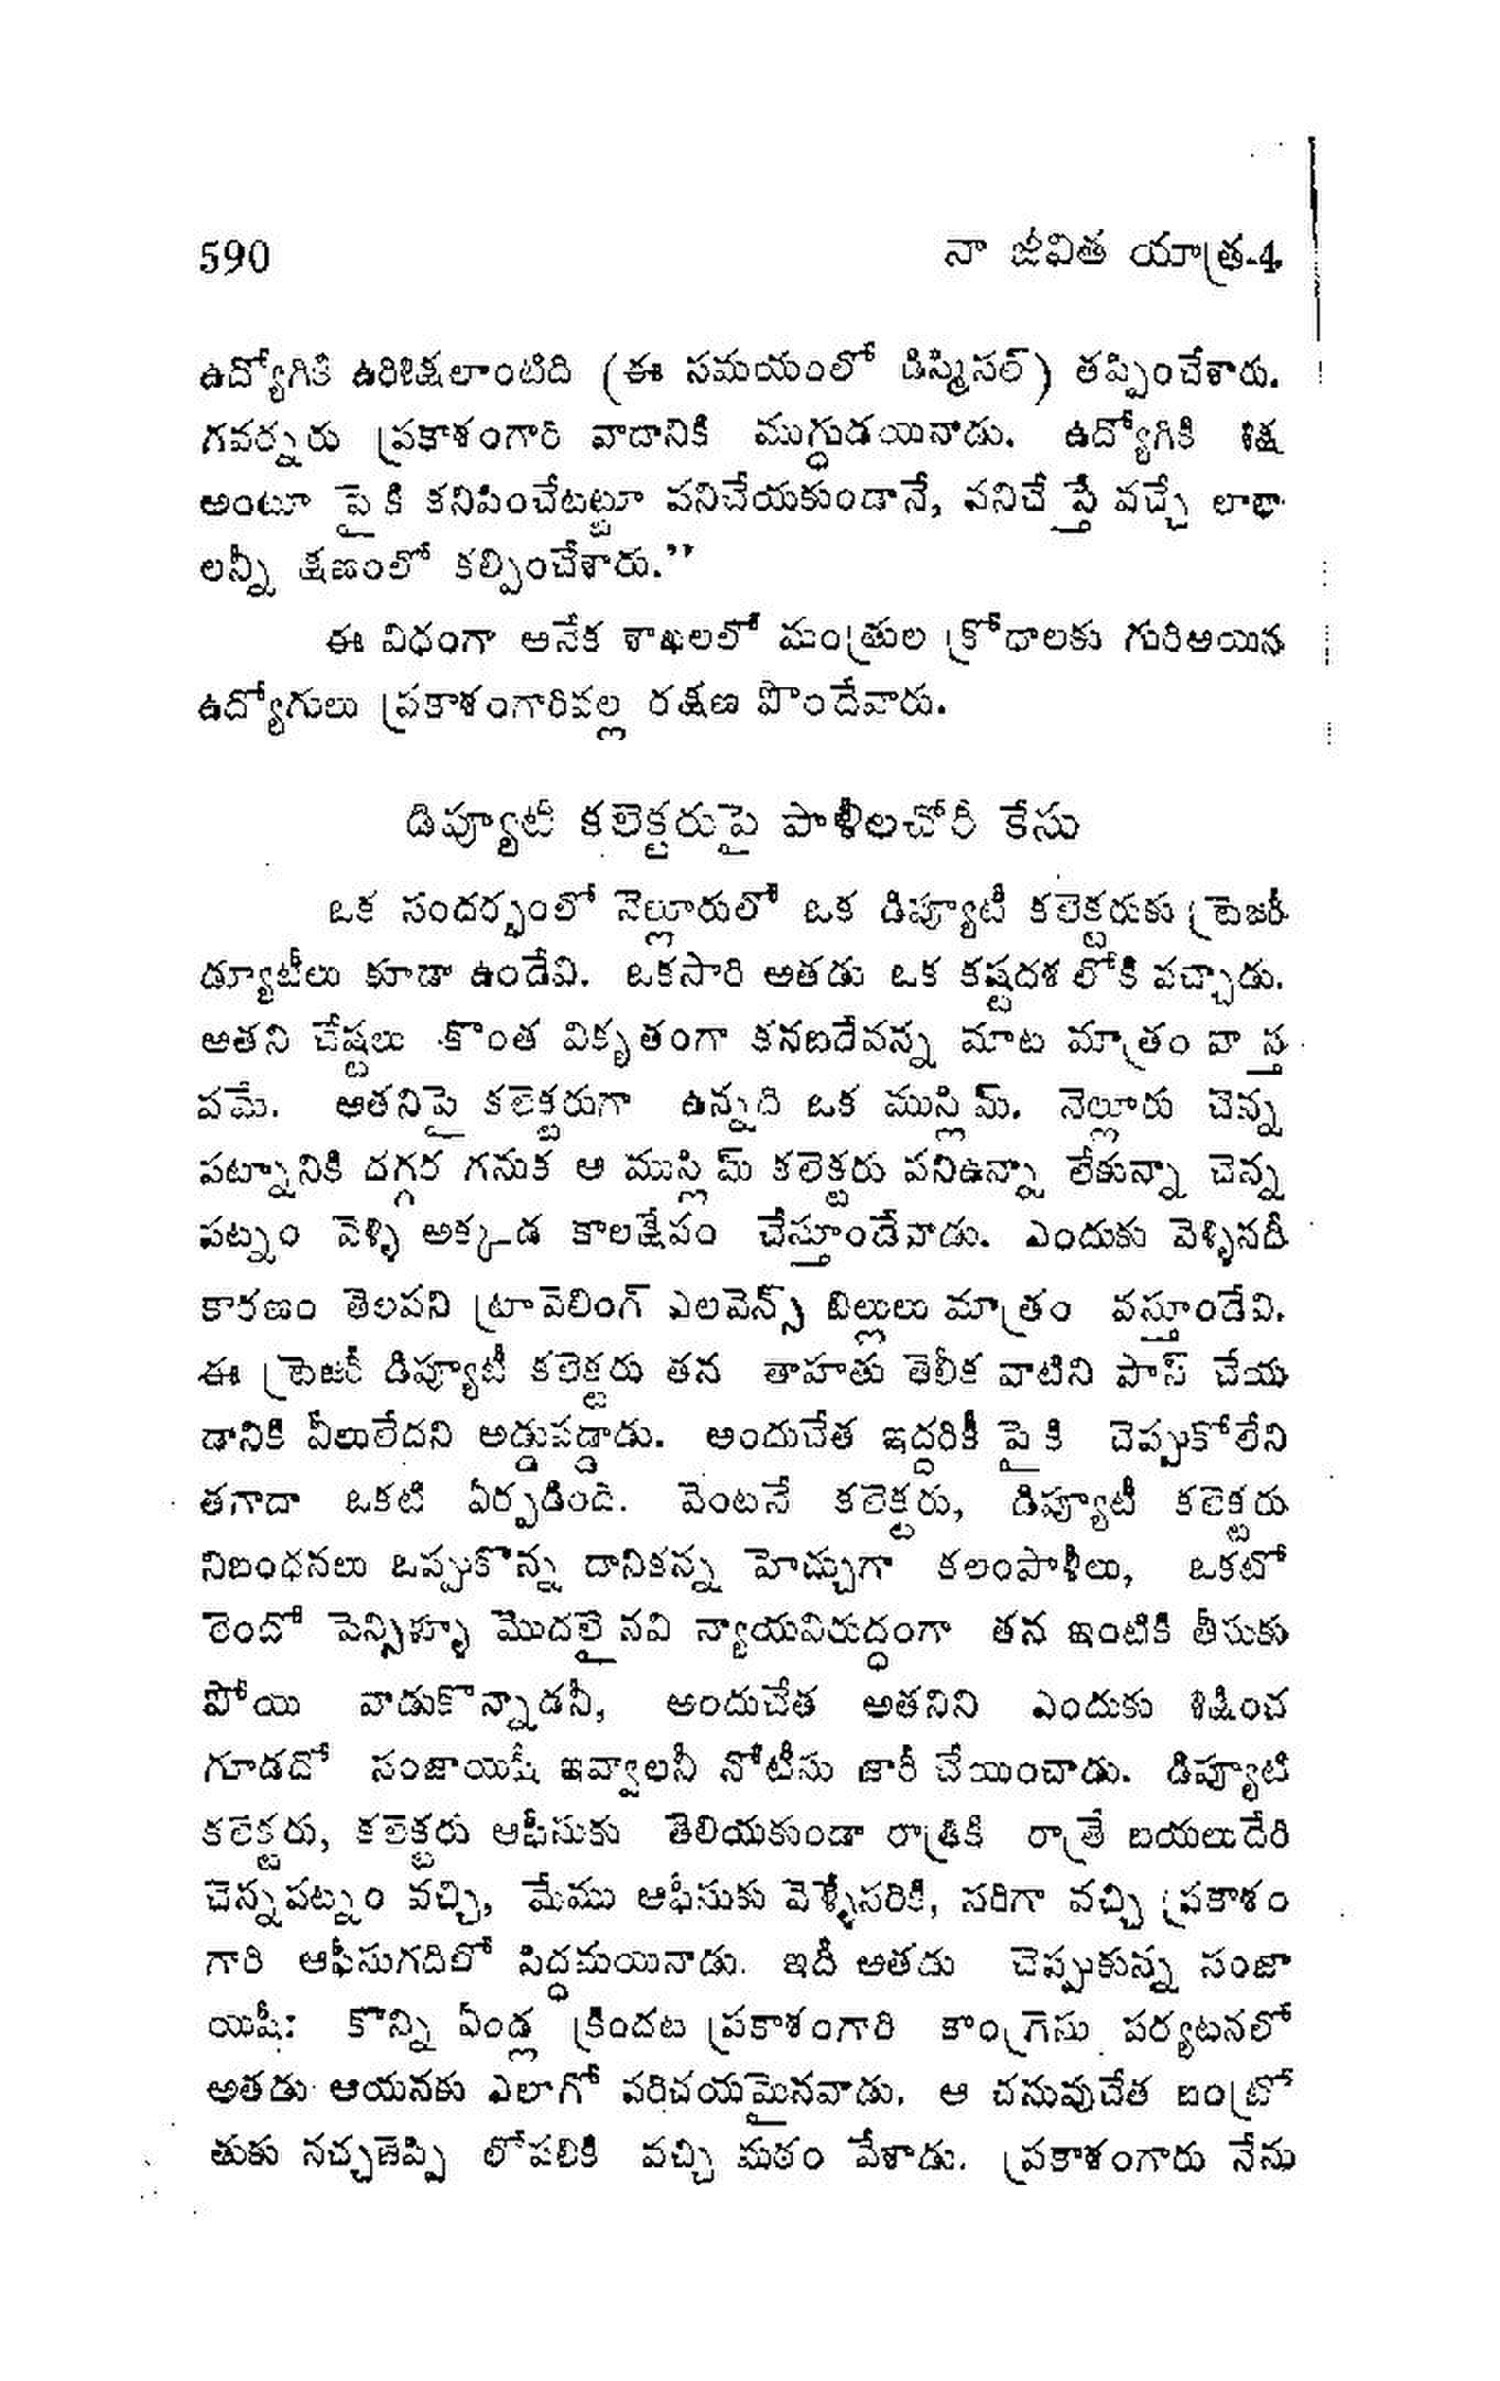ఉద్యోగికి ఉరిశిక్షలాంటిది (ఈ సమయంలో డిస్మిసల్) తప్పించేశారు. గవర్నరు ప్రకాశంగారి వాదానికి ముగ్ధుడయినాడు. ఉద్యోగికి శిక్ష అంటూ పైకి కనిపించేటట్టూ పనిచేయకుండానే, పనిచేస్తే వచ్చే లాభాలన్నీ క్షణంలో కల్పించేశారు."

ఈ విధంగా అనేక శాఖలలో మంత్రుల క్రోధాలకు గురిఅయిన ఉద్యోగులు ప్రకాశంగారివల్ల రక్షణ పొందేవారు.

ఒక సందర్భంలో నెల్లూరులో ఒక డిప్యూటీ కలెక్టరుకు ట్రెజరీ డ్యూటీలు కూడా ఉండేవి. ఒకసారి అతడు ఒక కష్టదశలోకి వచ్చాడు. అతని చేష్టలు కొంత వికృతంగా కనబడేవన్న మాట మాత్రం వాస్తవమే. అతనిపై కలెక్టరుగా ఉన్నది ఒక ముస్లిమ్. నెల్లూరు చెన్నపట్నానికి దగ్గర గనుక ఆ ముస్లిమ్ కలెక్టరు పనిఉన్నా లేకున్నా చెన్నపట్నం వెళ్ళి అక్కడ కాలక్షేపం చేస్తూండేవాడు. ఎందుకు వెళ్ళినదీ కారణం తెలపని ట్రావెలింగ్ ఎలవెన్స్ బిల్లులు మాత్రం వస్తూండేవి. ఈ ట్రెజరీ డిప్యూటీ కలెక్టరు తన తాహతు తెలీక వాటిని పాస్ చేయడానికి వీలులేదని అడ్డుపడ్డాడు. అందుచేత ఇద్దరికీ పైకి చెప్పుకోలేని తగాదా ఒకటి ఏర్పడింది. వెంటనే కలెక్టరు, డిప్యూటీ కలెక్టరు నిబంధనలు ఒప్పుకొన్న దానికన్న హెచ్చుగా కలం పాళీలు, ఒకటో రెండో పెన్సిళ్ళూ మొదలైనవి న్యాయవిరుద్దంగా తన ఇంటికి తీసుకుపోయి వాడు కొన్నాడనీ, అందుచేత అతనిని ఎందుకు శిక్షించగూడదో సంజాయిషీ ఇవ్వాలనీ నోటీసు జారీ చేయించాడు. డిప్యూటి కలెక్టరు, కలెక్టరు ఆఫీసుకు తెలియకుండా రాత్రికి రాత్రే బయలుదేరి చెన్నపట్నం వచ్చి, మేము ఆఫీసుకు వెళ్ళేసరికి, సరిగా వచ్చి ప్రకాశంగారి ఆఫీసుగదిలో సిద్దమయినాడు. ఇదీ అతడు చెప్పుకున్న సంజాయిషీ: కొన్ని ఏండ్ల క్రిందట ప్రకాశంగారి కాంగ్రెసు పర్యటనలో అతడు ఆయనకు ఎలాగో పరిచయమైనవాడు. ఆ చనువు చేత బంట్రోతుకు నచ్చజెప్పి లోపలికి వచ్చి మఠం వేశాడు. ప్రకాశంగారు నేను